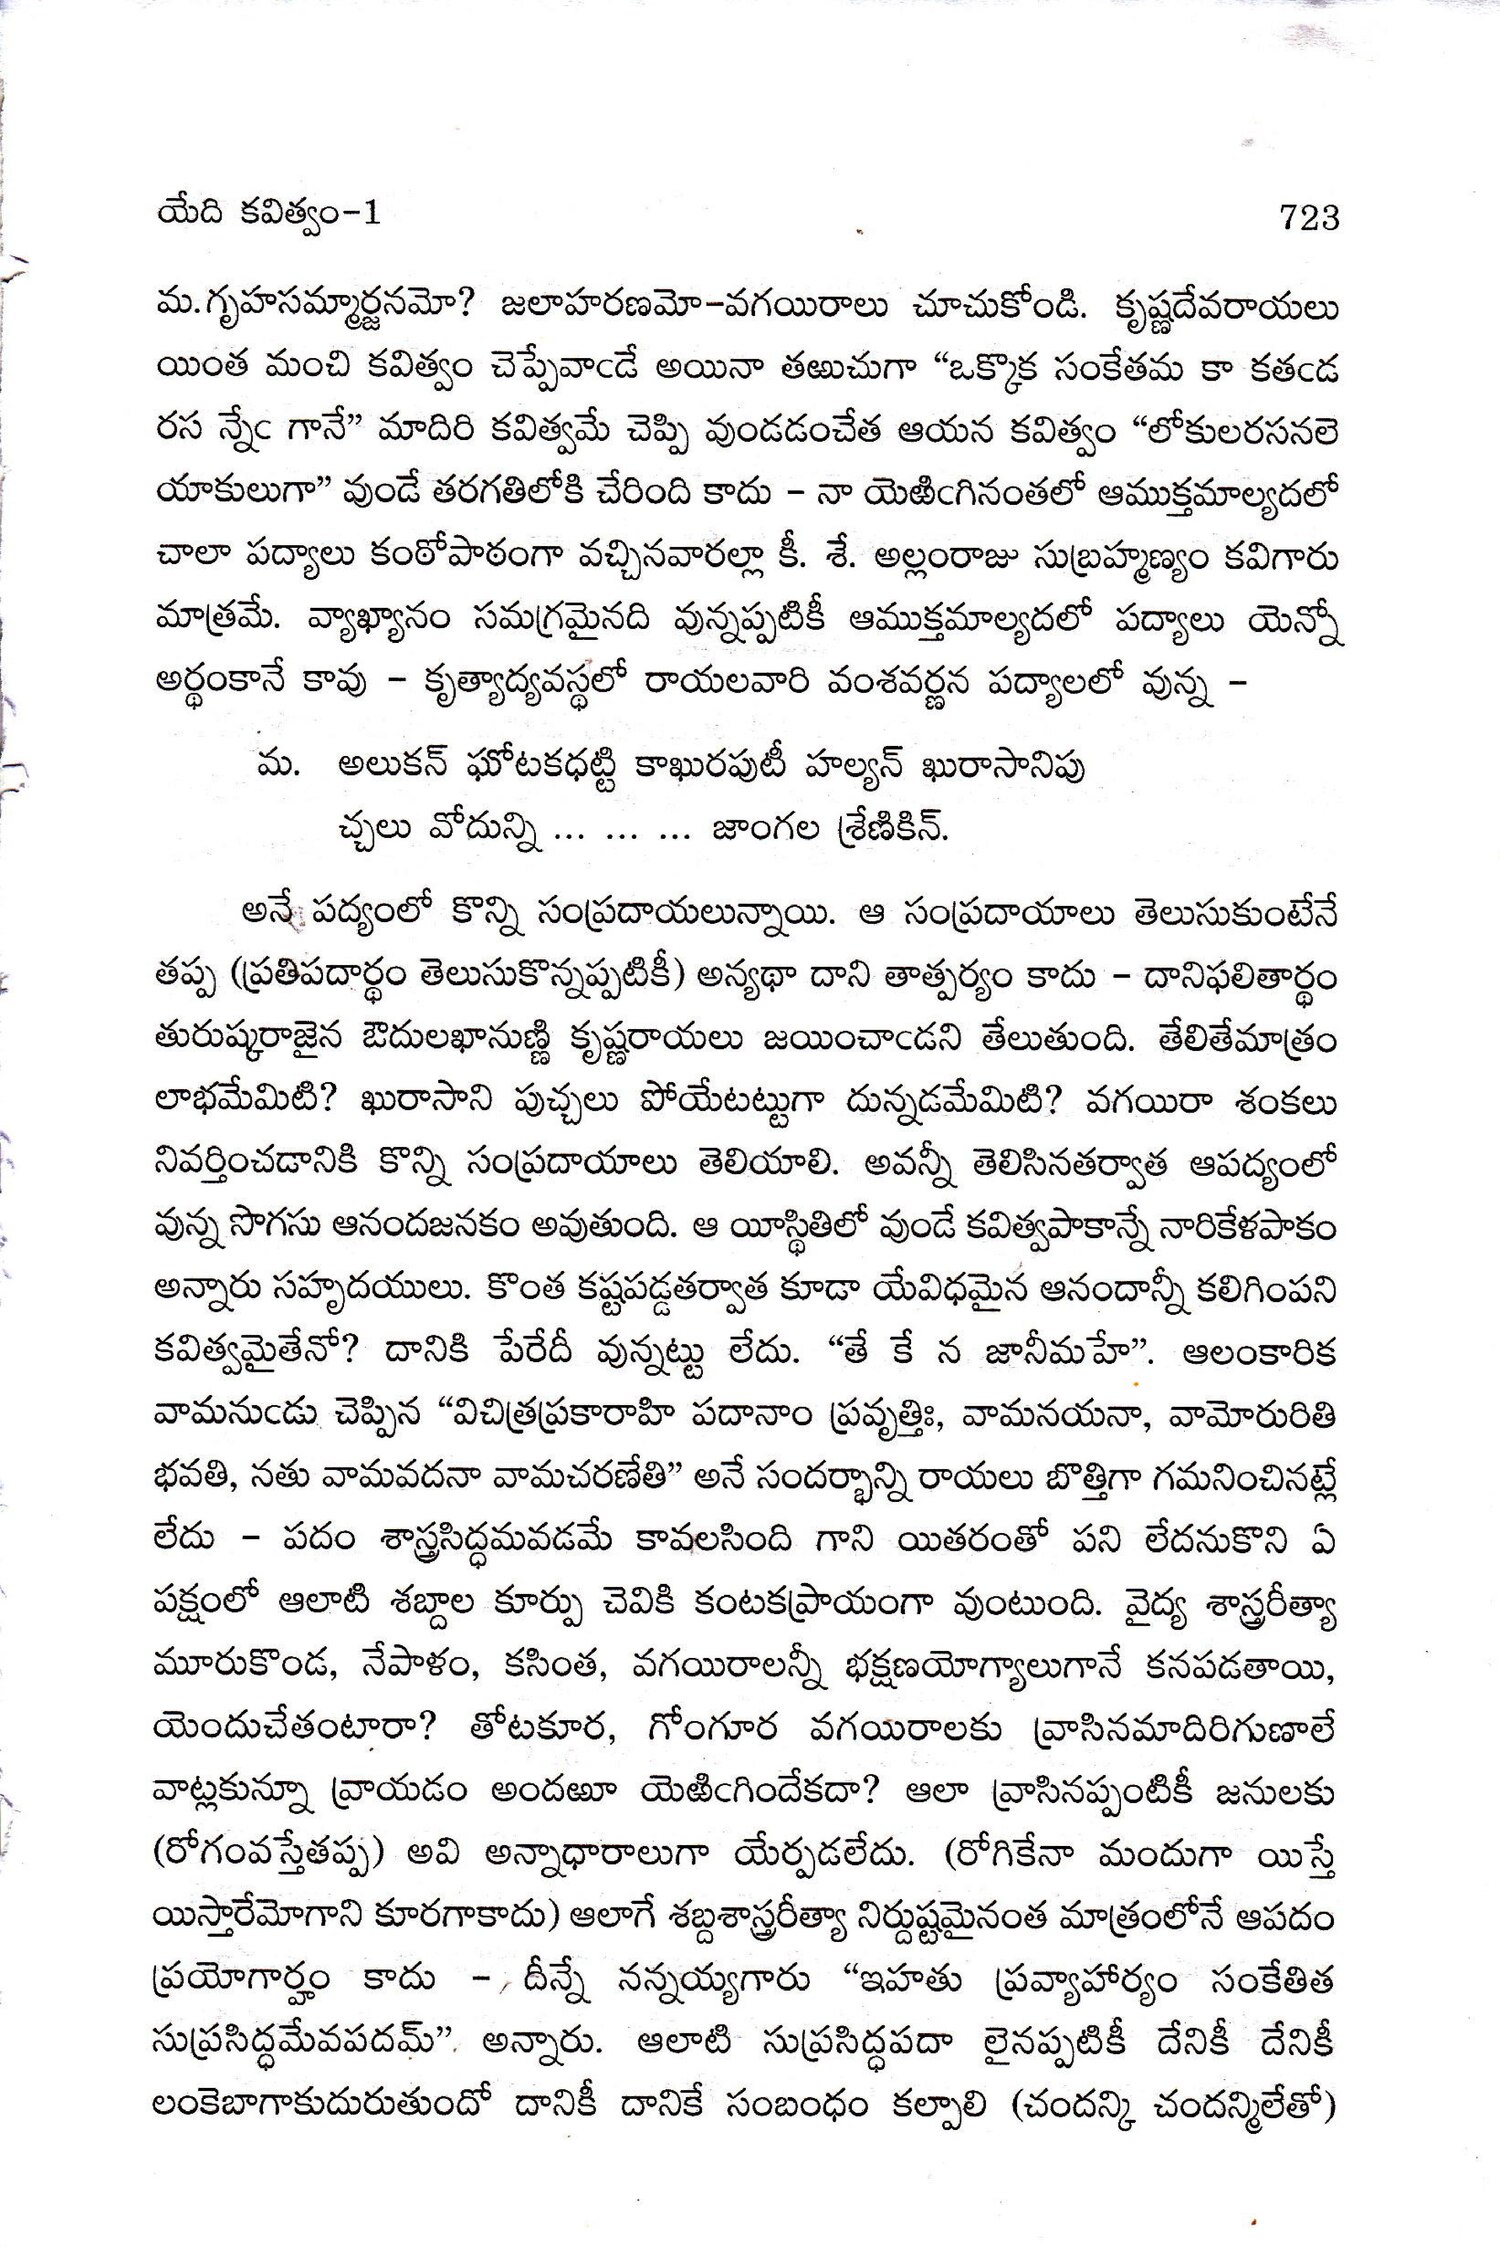మ. గృహసమ్మార్జనమో? జలాహరణమో-వగయిరాలు చూచుకోండి. కృష్ణదేవరాయలు యింత మంచి కవిత్వం చెప్పేవాఁడే అయినా తఱుచుగా “ఒక్కొక సంకేతమ కా కతఁడ రస న్నేఁ గానే” మాదిరి కవిత్వమే చెప్పి వుండడంచేత ఆయన కవిత్వం ‘లోకులరసనలె యాకులుగా" వుండే తరగతిలోకి చేరింది కాదు - నా యెఱిఁగినంతలో ఆముక్తమాల్యదలో చాలా పద్యాలు కంఠోపాఠంగా వచ్చినవారల్లా కీ. శే. అల్లంరాజు సుబ్రహ్మణ్యం కవిగారు మాత్రమే. వ్యాఖ్యానం సమగ్రమైనది వున్నప్పటికీ ఆముక్తమాల్యదలో పద్యాలు యెన్నో అర్థంకానే కావు - కృత్యాద్యవస్థలో రాయలవారి వంశవర్ణన పద్యాలలో వున్న -

మ. అలుకన్ ఘోటకధట్టి కాఖురపుటీ హల్యన్ ఖురాసానిపు
 చ్చలు వోదున్ని .... .... .... జాంగల శ్రేణికిన్.
అనే పద్యంలో కొన్ని సంప్రదాయలున్నాయి. ఆ సంప్రదాయాలు తెలుసుకుంటేనే తప్ప (ప్రతిపదార్థం తెలుసుకొన్నప్పటికీ) అన్యథా దాని తాత్పర్యం కాదు - దానిఫలితార్థం తురుష్కరాజైన ఔదులఖానుణ్ణి కృష్ణరాయలు జయించాఁడని తేలుతుంది. తేలితేమాత్రం లాభమేమిటి? ఖురాసాని పుచ్చలు పోయేటట్టుగా దున్నడమేమిటి? వగయిరా శంకలు నివర్తించడానికి కొన్ని సంప్రదాయాలు తెలియాలి. అవన్నీ తెలిసినతర్వాత ఆపద్యంలో వున్న సొగసు ఆనందజనకం అవుతుంది. ఆ యీస్థితిలో వుండే కవిత్వపాకాన్నే నారికేళపాకం అన్నారు సహృదయులు. కొంత కష్టపడ్డతర్వాత కూడా యేవిధమైన ఆనందాన్నీ కలిగింపని కవిత్వమైతేనో? దానికి పేరేదీ వున్నట్టు లేదు. “తే కే న జానీమహే", ఆలంకారిక వామనుఁడు చెప్పిన “విచిత్రప్రకారాహి పదానాం ప్రవృత్తిః, వామనయనా, వామోరురితి భవతి, నతు వామవదనా వామచరణేతి" అనే సందర్భాన్ని రాయలు బొత్తిగా గమనించినట్లే లేదు - పదం శాస్త్రసిద్ధమవడమే కావలసింది గాని యితరంతో పని లేదనుకొని ఏ పక్షంలో ఆలాటి శబ్దాల కూర్పు చెవికి కంటకప్రాయంగా వుంటుంది. వైద్య శాస్త్రరీత్యా మూరుకొండ, నేపాళం, కసింత, వగయిరాలన్నీ భక్షణయోగ్యాలుగానే కనపడతాయి, యెందుచేతంటారా? తోటకూర, గోంగూర వగయిరాలకు వ్రాసినమాదిరిగుణాలే వాట్లకున్నూ వ్రాయడం అందఱూ యెఱిఁగిందేకదా? ఆలా వ్రాసినప్పంటికీ జనులకు (రోగంవస్తేతప్ప) అవి అన్నాధారాలుగా యేర్పడలేదు. (రోగికేనా మందుగా యిస్తే యిస్తారేమోగాని కూరగాకాదు) ఆలాగే శబ్దశాస్త్రరీత్యానిర్దుష్టమైనంత మాత్రంలోనే ఆపదం ప్రయోగార్హం కాదు - దీన్నే నన్నయ్యగారు “ఇహతు ప్రవ్యాహార్యం సంకేతిత సుప్రసిద్ధమేవపదమ్" అన్నారు. ఆలాటి సుప్రసిద్ధపదా లైనప్పటికీ దేనికీ దేనికీ లంకెబాగాకుదురుతుందో దానికీ దానికే సంబంధం కల్పాలి (చందన్కి చందన్మిలేతో)